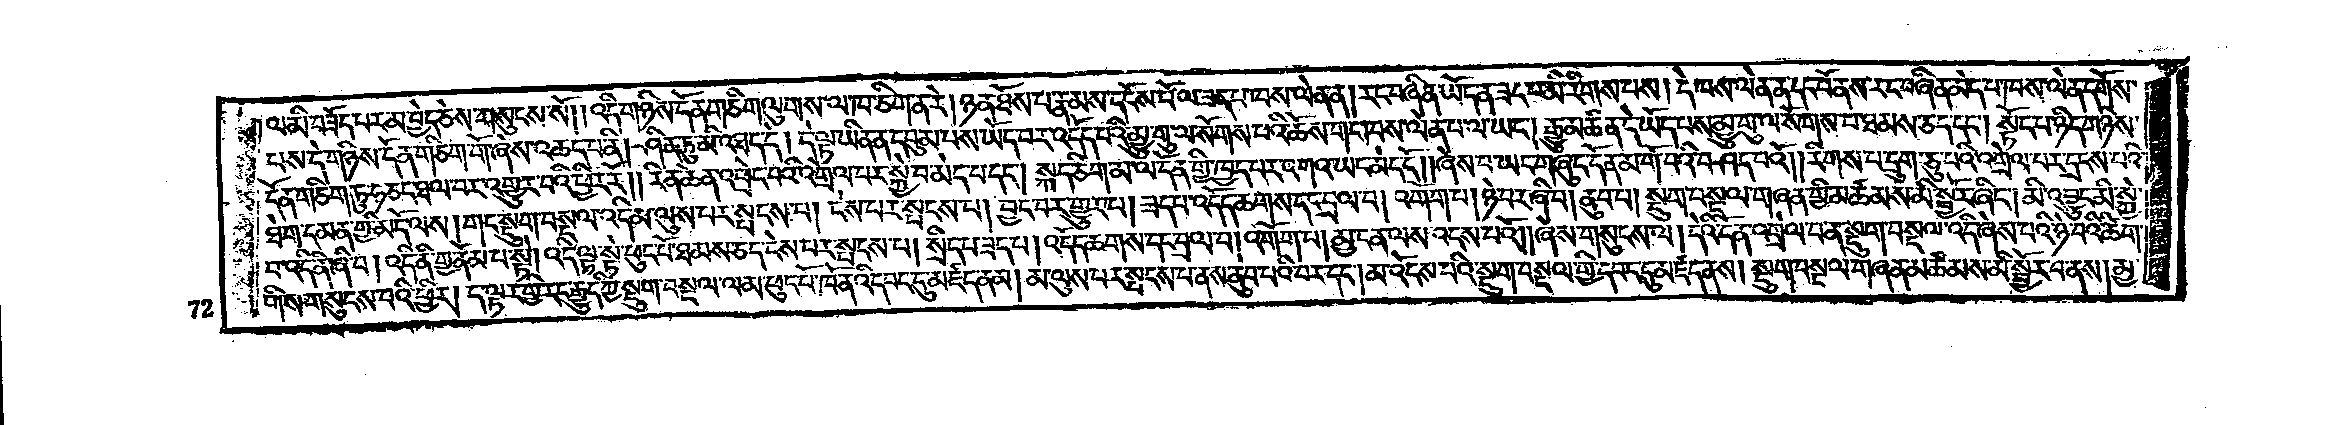ལ་མི་བཟོད་པར་མ་བྱེད་ཅེས་གསུངས་སོ། །འདི་གཉིས་དོན་གཅིག་ལུགས་ལ་ཁ་ཅིག་ན་རེ། ཉན་ཐོས་པ་རྣམས་དངོས་པོ་ལ་ཟད་པ་ཁས་ལེན་ན། རང་བཞིན་ཡོད་ན་ཟད་པ་མི་རིགས་པས། དེ་ཁས་ལེན་ན་དང་པོ་ནས་རང་བཞིན་མེད་པ་ཁས་ལེན་དགོས་
པས་དེ་གཉིས་དོན་གཅིག་གོ་ཞེས་འཆད་པ་ནི། ཤིན་ཏུ་མི་འཐད་དེ། དེ་ལྟ་ཡིན་ན་དབུ་མ་པས་ཡོད་པར་འདོད་པའི་མྱུ་གུ་ལ་སོགས་པའི་ཆོས་གང་ཁས་ལེན་པ་ལ་ཡང་། རྒྱུ་མཚན་དེ་ཡོད་པས་མྱུ་གུ་ལ་སོགས་པ་ཐམས་ཅད་དང་། སྟོང་པ་ཉིད་གཉིས་
དོན་གཅིག་ཏུ་ཧ་ཅང་ཐལ་བར་འགྱུར་བའི་ཕྱིར་རོ། །རིན་ཆེན་འཕྲེང་བའི་འགྲེལ་པར་སྐྱེ་བ་མེད་པ་དང་། སྐད་ཅིག་མ་ལ་དོན་གྱི་ཁྱད་པར་འགའ་ཡང་མེད་དོ། །ཞེས་པ་ཡང་གཞུང་དོན་མ་གོ་བའི་བཤད་པའོ། །རིགས་པ་དྲུག་ཅུ་པའི་འགྲེལ་པར་དྲངས་པའི་
ཐེག་དམན་གྱི་མདོ་ལས། གང་སྡུག་བསྔལ་འདི་མ་ལུས་པར་སྤངས་པ། ངེས་པར་སྤངས་པ། བྱང་བར་གྱུར་པ། ཟད་པ་འདོད་ཆགས་དང་བྲལ་བ། འགོག་པ། ཉེ་བར་ཞི་བ། ནུབ་པ། སྡུག་བསྔལ་གཞན་གྱི་མཚམས་མི་སྦྱོར་ཞིང་། མི་འབྱུང་མི་སྐྱེ་
བ་འདི་ནི་ཞི་བ། འདི་ནི་གྱ་ནོམ་པ་སྟེ། འདི་ལྟ་སྟེ་ཕུང་པོ་ཐམས་ཅད་ངེས་པར་སྤངས་པ། སྲིད་པ་ཟད་པ། འདོད་ཆགས་དང་བྲལ་བ། འགོག་པ། མྱ་ངན་ལས་འདས་པའོ། །ཞེས་གསུངས་ལ། དེའི་དོན་འགྲེལ་བ་ན་སྡུག་བསྔལ་འདི་ཞེས་པའི་ཉེ་བའི་ཚིག་
གིས་གསུངས་པའི་ཕྱིར། ད་ལྟར་གྱི་རང་རྒྱུད་ཀྱི་སྡུག་བསྔལ་ལམ་ཕུང་པོ་ཁོ་ནའི་དབང་དུ་མཛད་ནམ། མ་ལུས་པར་སྤངས་པ་ནས་ནུབ་པའི་བར་དང་། མ་འོངས་པའི་སྡུག་བསྔལ་གྱི་དབང་དུ་མཛད་ནས། སྡུག་བསྔལ་གཞན་མཚམས་མི་སྦྱོར་བ་ནས། མྱ་